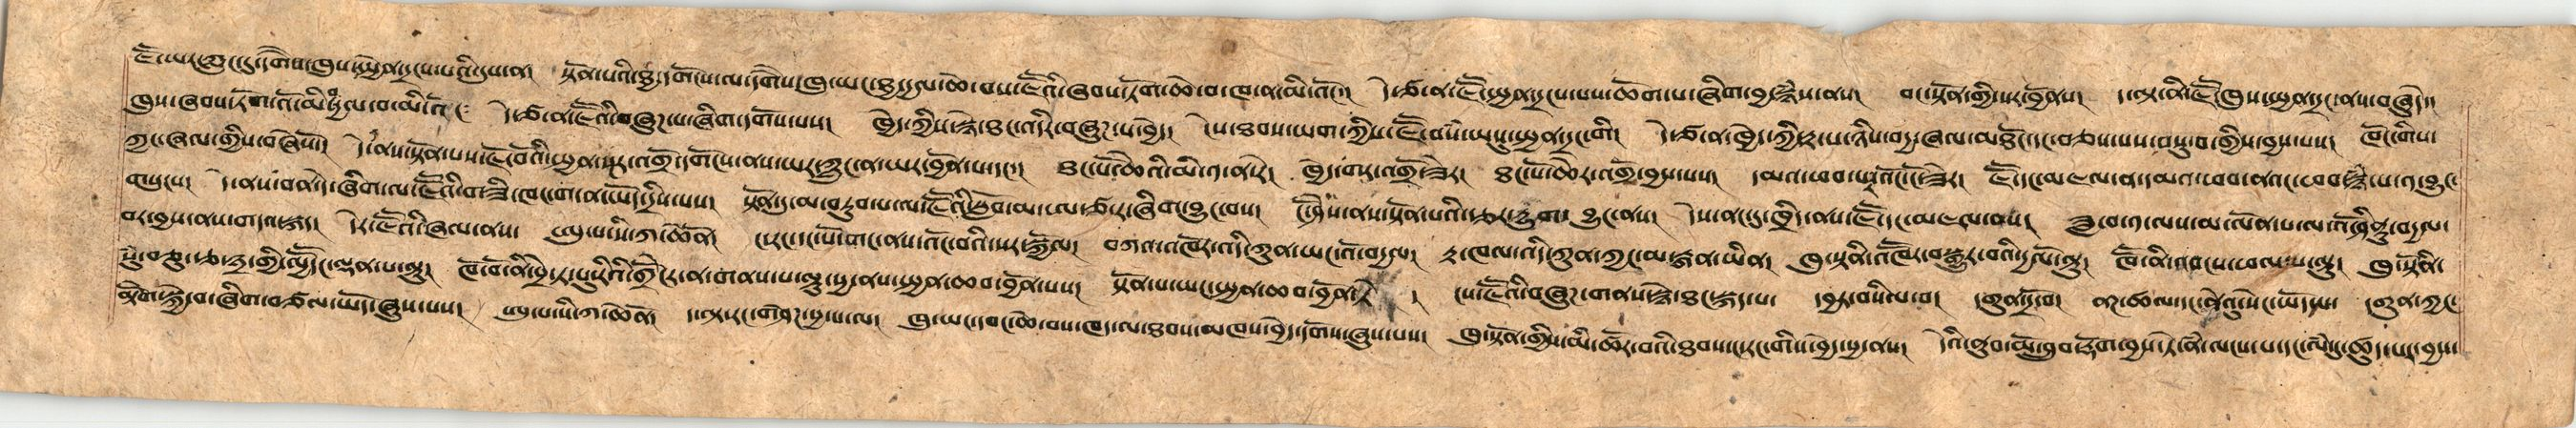ཇཽ་ཡར་ཀླུང་དུ་དགཻས་ཁུས་སྤྱེན་དྲངས་པའི་དུས་ན། སྟོན་པའི་ཐྱ་དགོངས་ལ་དགཻས་ཁུ་ཡང་ཐྱ་དྱལ་ཆེ་བས་ཇཽའི་ཞབས་ཏོག་ཆེ་བ་ཁ་ན་མི་འོང་། དེ་ཙ་ན་ཇཽ་སྤྱན་དྲངས་པས་ཆོག་པ་ཞིག་བྱ་སྙཾས་ནས། བང་སྟོན་གྱི་སར་བྱོནས། ད་ལྟ་ནི་ཇཽ་ཁུས་སྤྱན་དྲངས་ནས་བཞུདེ་།
ཁུས་ཞབས་ཏོག་འོ་མིན་དྱལ་བ་མི་འོང་ དེ་ཙ་ན་ཇཽའི་བཞུཌ་ས་ཞིག་དགོས་པས། ཁྱེད་ཀྱིས་སྙེ་ཐང་འདིར་བཞུཌ་ས་བྱེད། ངེས་ཐབས་ཡག་ཀྱིས་ཇཽ་བསཾ་ཡསུ་སྤྱན་དྲང་གི། དེ་ཙ་ན་ཁྱེད་ཀྱི་རྟ་པ་ཉིས་བདྱ་ཞལ་མཐོང་དང་བཅས་པས་བསུ་བ་གྱིས་བྱས་པས། ཁོང་གིས་
ཀྱང་ཞལ་གྱིས་བཞེསོ། དེ་ནས་སྟོན་པས་ཇོ་བོའི་སྤྱན་སྔར་འགྲོ་དགོངས་ནས་ཡར་ཀླུང་ན་ཡར་བྱོན་པ་དང་། ཐང་པོ་ཆེའི་མི་༡་ན་རེ། ཁྱེད་གར་འགྲོ་ཟེར། ཐང་པོ་ཆེར་འགྲོ་བྱས་པས། དམའ་ཕབ་པར་འོང་ངོ་ཟེར། ཇཽ་དང་མཇལ་ན་དམའ་ཕབ་ནའང་ཕབ་སྙཾ་པ་༡་བྱུང་
གསུངས། དེ་ནས་བན་དེ་ཞིག་ལ་ཇཽའི་གཟི་ཁང་ག་ན་ཡོད་དྲིས་པས། སྟོན་དུ་མ་བཏུབ་པ་ལ་ཇཽའི་སློབ་མ་ཨ་ཙ་ར་ཞིག་བྱུང་བས། ངོ་ཤེས་ནས་སྟོན་པའི་རྩར་དྱུག་བྱུང་ནས། དེས་ནང་དུ་ཁྲིད་ནས་ཇཽ་དང་མཇལ་བས། ཟླ་བ་༡་ལས་མ་ལོན་པ་ལ་འོ་ཤིནྟུ་བདྱལ་
བར་བྱས་ནས་གདའ་སྐད། དེར་ཇཽའི་ཞལ་ནས་ ཨུ་པ་སི་ཀ་ཆེནོ། ང་རང་དང་པོ་གང་ནས་འོང་བའི་སར་སྐྱོལ། བཀའ་འཁོར་འདི་ཀུན་ཡང་འོ་བདྱལ། རྟ་ཁལ་འདི་ཀུན་ཀྱང་མ་རྐན་ཡིན། ཁུ་སྟནི་འཁཽར་བསྒྱུར་བའི་དྱལོ་ལྟུ། ཁཽ་ནི་འབངས་ཕལ་པ་ལྟུ། ཁུ་སྟོནི་
སུཾ་བཅུ་རྩ་༣་གྱི་ལྱཽདང་དང་ལྡན་པ་ལྟུ། ཁོ་བོ་ནི་པྲེ་ཏ་པུ་རིའི་གྲོཻངར་ན་གནས་པ་ལྟུ་སྱ་ནས་སྤྱན་ཆབ་བྱོན་པས། སྟོན་པ་ཡང་སྤྱན་ཆབ་བྱོན་ཏེ། ངས་ཇཽའི་བཞུཌ་གནས་སྙེ་ཐང་སྐད་པ་ དབྱར་བསིལ་བ། དགུན་དྲོ་བོ། ནཌ་ཚལ་དང་ནེའུ་སེང་ཡོད་པ་ དགུན་ཀྱང་
མྟོཻག་སྐྱེ་བ་ཞིག་བཙལ་ཡོད་ཞུས་པས། ཨུ་པ་སི་ཀ་ཆེནོ། ད་ལྟ་རང་གཤེཌ་སྱ་པ་ལ། ཁུ་ཡང་དབང་ཆེ་བས་ཁད་ལ་ཐབས་མཁས་བྱེད་དགོས་ཞུས་པས། ཁུ་སྟོན་གྱིས་མི་ཚོར་བའི་ཐབས་ང་རང་གིས་བྱེད་སྱ་ནས། དེའི་ནུབ་མོ་བྲུབ་རྡོག་བྱས་ཏེ་ནཾ་ལངས་པ་དང་ལཾ་དུ་ཚུད་པར་བྱས་